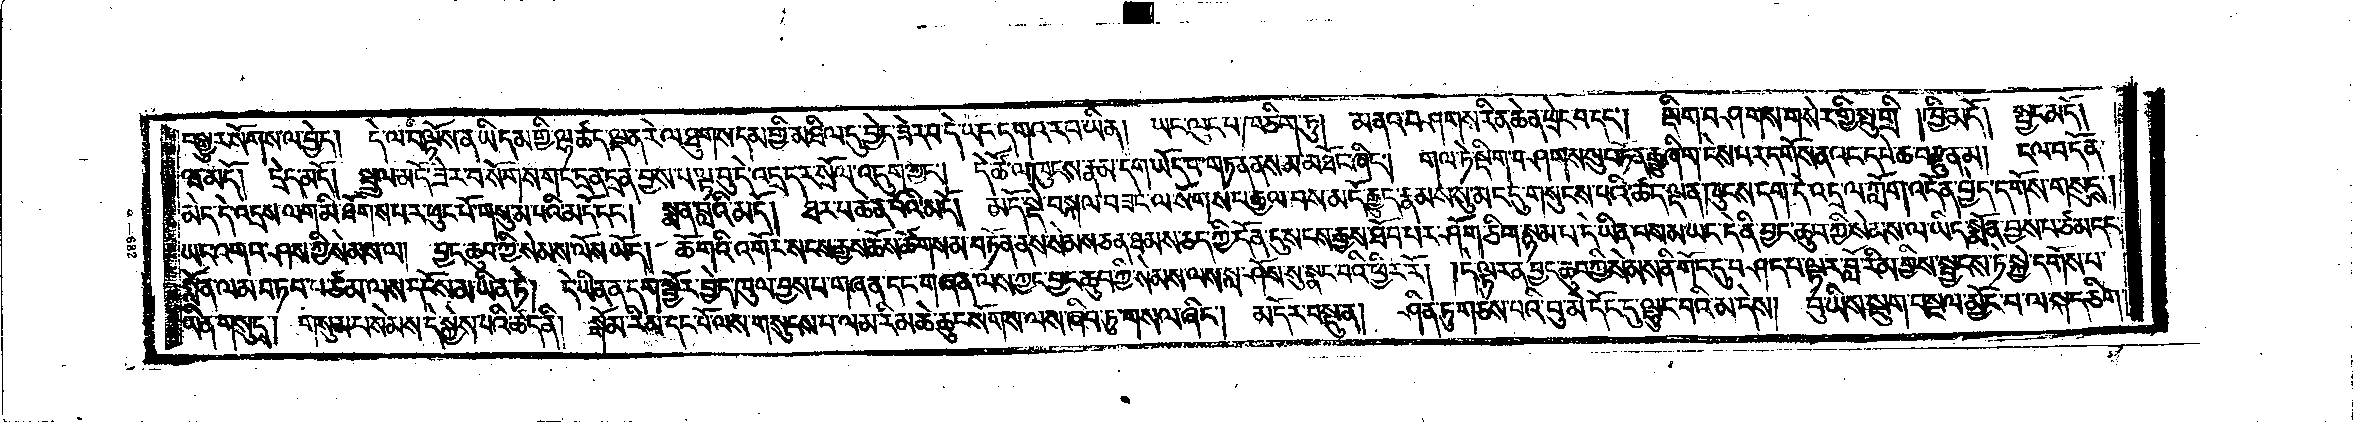བསྒྱུར་སོགས་ལ་བྱེད། དེ་ལ་བལྟོས་ན་ཡི་དམ་གྱི་ལྷ་ཚད་ལྡན་རེ་ལ་ཐུགས་དམ་གྱི་མཐིལ་དུ་བྱེད་ཟེར་བ་དེ་ཡང་དགའ་རབ་ཡིན། ཡང་ལུང་པ་ཁ་ཅིག་ཏུ། མནའ་བཤགས་རིན་ཆེན་ཕྲེང་བ་དང་། སྡིག་བཤགས་གསེར་གྱི་སྤུ་གྲི་།ཁྱི་མདོ། སྤྱང་མདོ།
ཝ་མདོ། དྲེད་མདོ། སྦྲུལ་མདོ་ཟེར་བ་སོགས་གང་དྲན་དྲན་བྱས་པ་ལྟ་བུ་དེ་འདྲ་དར་སྲོལ་འདུག་ཀྱང་། དེ་ཚོ་ལ་ཁུངས་རྣམ་དག་ཡོད་པ་གཏན་ནས་མ་མཐོང་ཞིང་། གལ་ཏེ་སྡིག་བཤགས་སུ་བཏོན་རྒྱུ་ཞིག་ངེས་པར་དགོས་ནའང་དཔེ་ཆ་བརྫུན་མ། ངལ་བ་དོན་
མེད་དེ་འདྲས་ལག་མི་ཐོགས་པར་ཕུང་པོ་གསུམ་པའི་མདོ་དང་། སྨན་བླའི་མདོ། ཐར་པ་ཆེན་པོའི་མདོ། མདོ་སྡེ་བསྐལ་བཟང་ལ་སོགས་པ་རྒྱལ་བས་མདོ་རྒྱུད་རྣམས་སུ་མང་དུ་གསུངས་པའི་ཚད་ལྡན་ཁུངས་དག་དེ་འདྲ་ལ་ཀློག་འདོན་བྱེད་དགོས་གསུངས།
ཡང་འགའ་ཤས་ཀྱི་སེམས་ལ། བྱང་ཆུབ་ཀྱི་སེམས་ལོས་ཡོད། ཆོ་གའི་འགོར་སངས་རྒྱས་ཆོས་ཚོགས་མ་བཏོན་ནས་སེམས་ཅན་ཐམས་ཅད་ཀྱི་དོན་དུ་སངས་རྒྱས་ཐོབ་པར་ཤོག་ཅིག་སྙམ་པ་དེ་ཡིན་བསམ་ཡང་དེ་ནི་བྱང་ཆུབ་ཀྱི་སེམས་ལ་ཡིད་སྨོན་བྱས་པ་ཙམ་དང་།
སྨོན་ལམ་བཏབ་པ་ཙམ་ལས་དངོས་མ་ཡིན་ཏེ། དེ་ཡིན་ན་དགེ་སྦྱོར་བྱེད་ཁུལ་བྱས་པ་གཞན་དང་གཞན་ལས་ཀྱང་བྱང་ཆུབ་ཀྱི་སེམས་ལས་སླ་ཤོས་སུ་སྣང་བའི་ཕྱིར་རོ། །དེ་ལྟར་ན་བྱང་ཆུབ་ཀྱི་སེམས་ནི་གོང་དུ་བཤད་པ་ལྟར་བློ་རིམ་གྱིས་སྦྱངས་ཏེ་སྐྱེ་དགོས་པ་
ཡིན་གསུངས། གསུམ་པ་སེམས་དེ་སྐྱེས་པའི་ཚད་ནི། སྒོམ་རིམ་དང་པོ་ལས་གསུངས་པ་ལམ་རིམ་ཆེ་ཆུང་སོགས་ལས་ཞིབ་ཏུ་གསལ་ཞིང་། མདོར་བསྡུ་ན། ཤིན་ཏུ་གཅེས་པའི་བུ་མེ་དོང་དུ་ལྷུང་བའི་མ་དེས། བུ་ཡིས་སྡུག་བསྔལ་མྱོང་བ་ལ་སྐད་ཅིག་